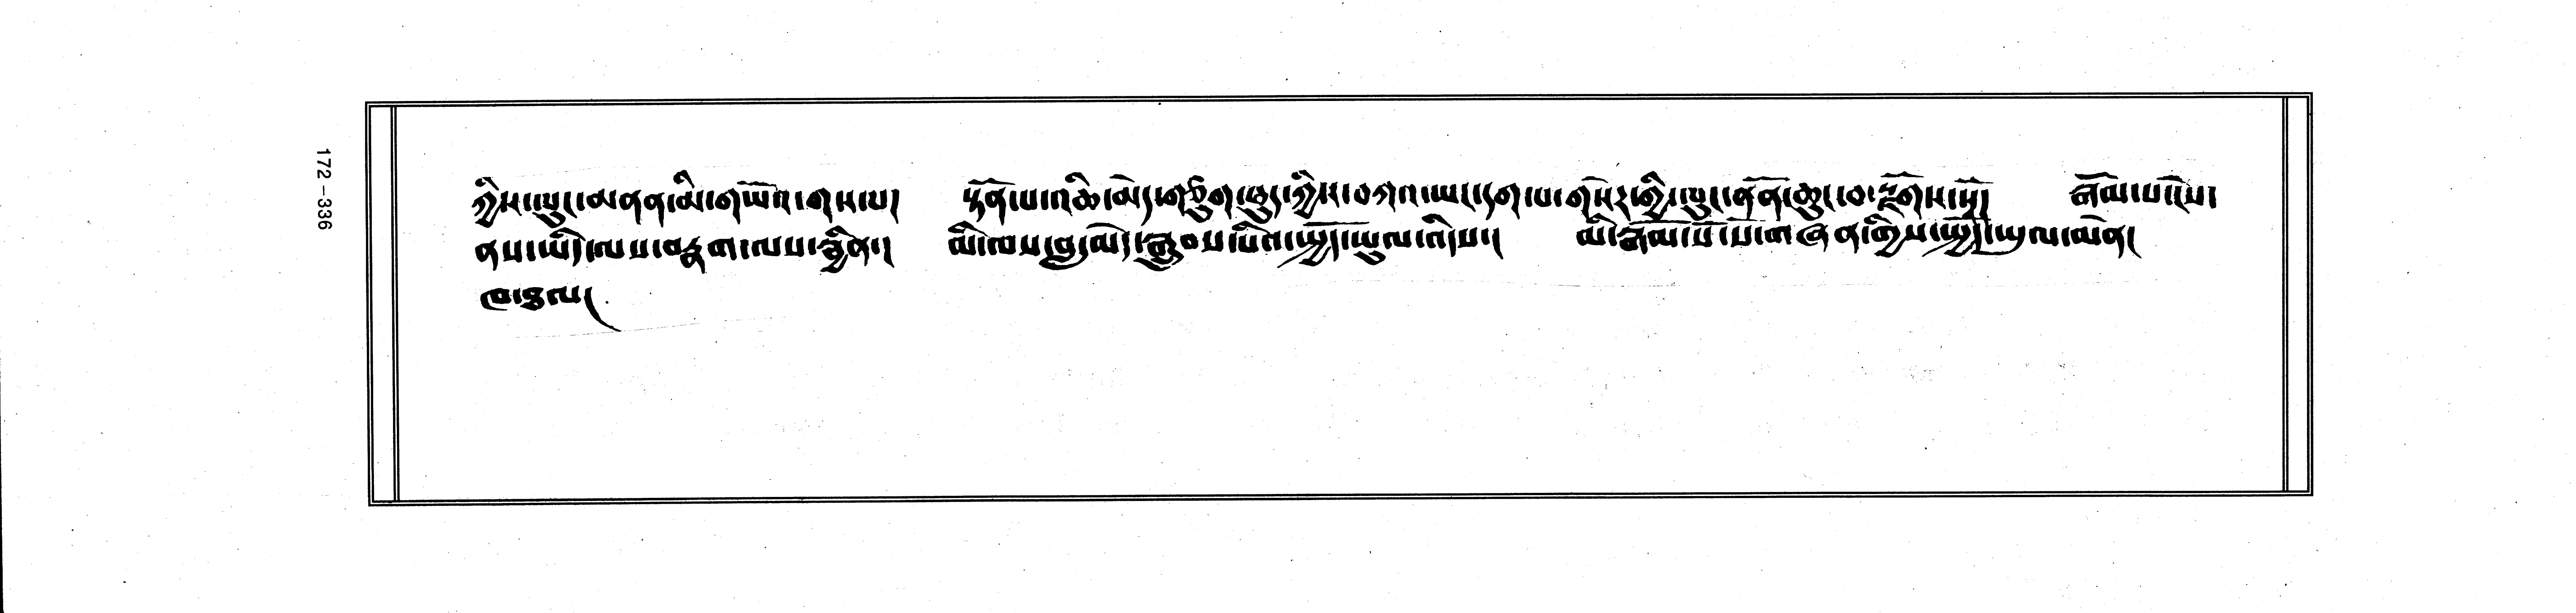མི་གཡོའ་གསལ། སྟོན་པ་འཆི་མེད་གཙུག་ཕུད་ཀྱིས་བཀའ་ཡང་དག་པ་གསེར་གྱི་ལུང་ནོན་ཆུང་བ་རྫོགས་སྭོ། སྒོམ་པ་ངེས་
ནས་ཡིད་ལས་བརྣག་ལས་སྦྱིན། མི་ལས་བླ་མེད་སྒྲུབས་པའི་སྤྱོད་ཡུལ་འདིས། མི་སྒོམ་སོ་སོ་གཞན་གྱིས་སྤྱོད་ཡུལ་མིན། 
ཁ་ཐལ།